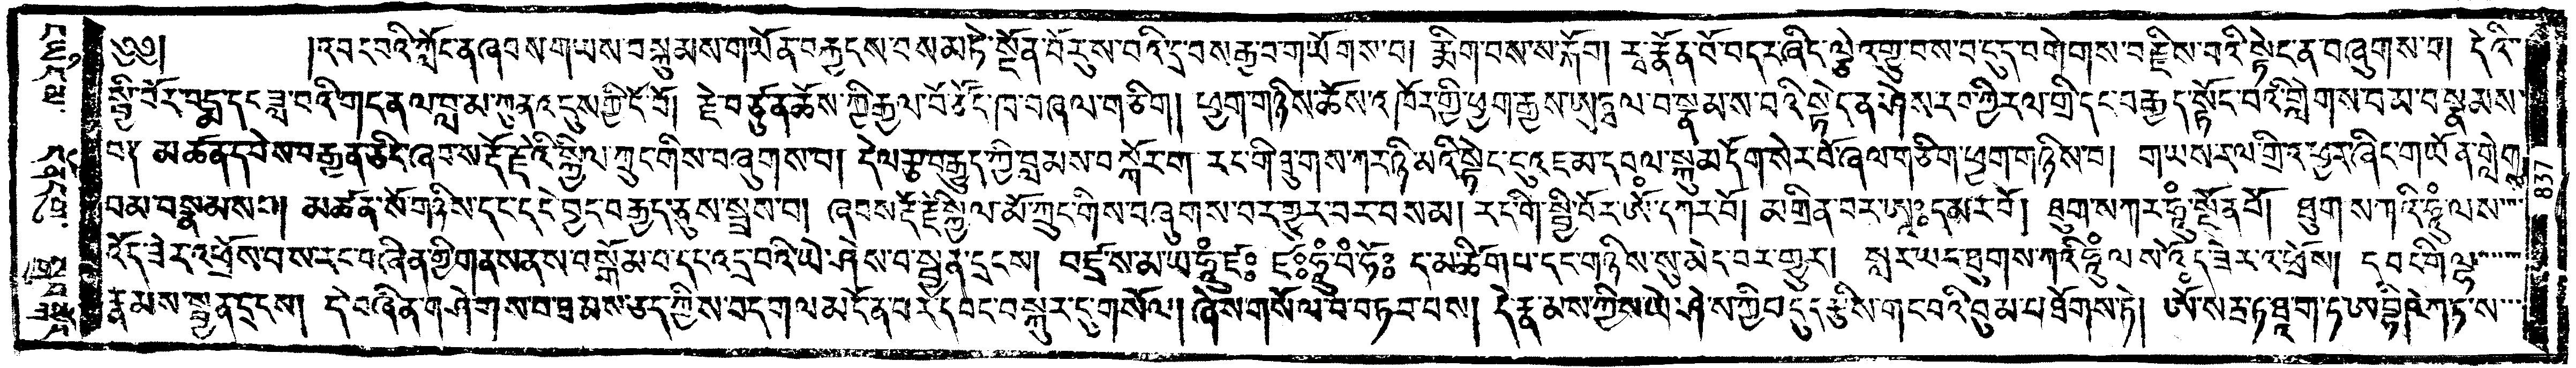༄༅། །འབར་བའི་ཀློང་ན་ཞབས་གཡས་བསྐུམས་གཡོན་བརྐྱངས་བསམ་ཏེ་སྔོན་བོ་རུས་བའི་དྲ་བས་རྒྱ་བ་གཡོགས་པ། རྨིག་པས་ས་རྐོབ། རྭ་རྣོན་བོ་བདར་ཞིང་ལྕེ་འགྱུ་བས་བདུད་བགེགས་བརྗིས་བའི་སྟེང་ན་བཞུགས་པ། དེའི་
བོར་པདམ་དང་ཟླ་བའི་གདན་ལ་བླ་མ་ཀུན་འདུས་ཀྱི་ངོ་བོ། རྗེ་བཙུན་ཆོས་ཀྱི་རྒྱལ་བོ་ཙོང་ཁ་བ་ཞལ་གཅིག། ཕྱག་གཉིས་ཆོས་འཁོར་གྱི་ཕྱག་རྒྱས་ཨུཏྤལ་བ་སྣམས་བའི་སྟེང་ན་ཤེས་རབ་ཀྱི་རལ་གྲི་དང་བརྒྱད་སྟོང་བའི་གླེགས་བམ་བསྣམས་
?། མཚན་དཔེས་བརྒྱན་ཅིང་ཞབས་རྡོ་རྗེའི་སྐྱིལ་ཀྲུང་གིས་བཞུགས་པ། དེ་ལ་རྩ་བརྒྱུད་ཀྱི་བླ་མས་བསྐོར་བ། རང་གི་ཐུགས་ཀར་ཉི་མའི་སྟེང་དུ་འཇམ་དཔལ་སྐུ་མདོག་སེར་པོ་ཞལ་གཅིག་ཕྱག་གཉིས་པ། གཡས་རལ་གྲི་འཕྱར་ཞིང་གཡོན་གླེགས་
བམ་བསྣམས་བ། མཚན་སོ་གཉིས་དང་དབྱེ་བྱང་བརྒྱད་ཅུས་སྦྲས་པ། ཞབས་རྡོ་རྗེ་སྐྱིལ་མོ་ཀྲུང་གིས་བཞུགས་པར་གྱུར་པར་བསམ། རང་གི་སྦྱི་བོར་ཨོཾ་དཀར་པོ། མགྲིན་པར་ཨཱཿ དམར་བོ། ཐུགས་ཀར་ཧཱུཾ་སྔོན་བོ། ཐུགས་ཀའི་ཧཱུཾ་ལས་
འོད་ཟེར་འཕྲོས་བས་རང་བཞིན་གྱིས་གནས་ནས་བསྒོམ་བ་དང་འདྲ་བའི་ཡེ་ཤེས་བ་སྦྱན་དྲངས། བཛྲ་ས་མ་ཡ་ཧཱུཾ་ཛཿ ཛཿ ཧཱུཾ་བཾ་ཧོཿ དམ་ཚིག་པ་དང་གཉིས་སུ་མེད་བར་གྱུར། སླར་ཡང་ཐུགས་ཀའི་ཧཱུཾ་ལས་འོད་ཟེར་འཕྲོས། དབང་གི་ལྷ་
རྣམས་སྤྱན་དྲངས། དེ་བཞིན་གཤེགས་པ་ཐམས་ཅད་ཀྱིས་བདག་ལ་མངོན་པར་དབང་བསྐུར་དུ་གསོལ། ཞེས་གསོལ་བ་བཏབ་པས། དེ་རྣམས་ཀྱིས་ཡེ་ཤེས་ཀྱི་བདུད་རྩིས་གང་བའི་བུམ་པ་ཐོགས་ཏེ། ཨོཾ་སརྦ་ཏ་ཐཱ་ག་ཏ་ཨ་བྷི་ཥ་ཀ་ཏ་ས་